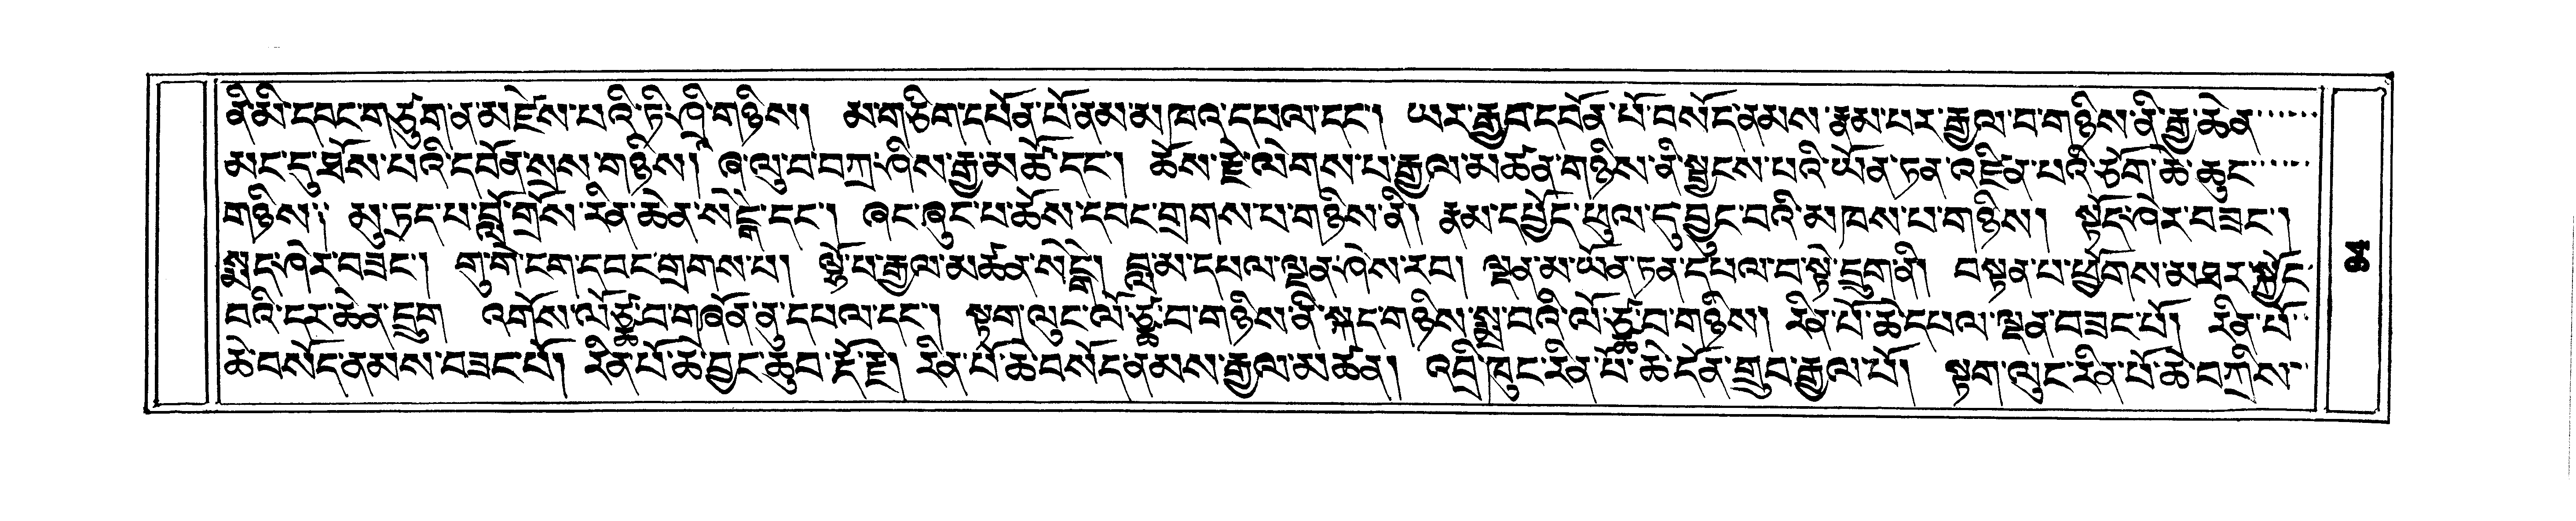ནི་མི་དབང་གཙུག་ན་མཛེས་པའི་ཏི་ཤྲཱི་གཉིས། མ་གཅིག་དཔོན་པོ་ནམ་མཁའ་དཔལ་དང་། ཡར་རྒྱབ་དབོན་པོ་བསོད་ནམས་རྣམ་པར་རྒྱལ་བ་གཉིས་ནི་རྒྱ་ཆེན་
མང་དུ་ཐོས་པའི་དབོན་སྲས་གཉིས། ཞ་ལུ་བ་བཀྲ་ཤིས་རྒྱ་མཚོ་དང་། ཆོས་རྗེ་ལེགས་པ་རྒྱལ་མཚན་གཉིས་ནི་སྦྱངས་པའི་ཡོན་ཏན་འཛིན་པའི་ཅོག་ཆེ་ཆུང་
གཉིས༑ མུ་ཏད་པ་བློ་གྲོས་རིན་ཆེན་སེངྒེ་དང་། ཞང་ཞུང་པ་ཆོས་དབང་གྲགས་པ་གཉིས་ནི། རྣམ་དཔྱོད་ཕུལ་དུ་བྱུང་བའི་མཁས་པ་གཉིས། སྟོད་ཤེར་བཟང་།
སྨད་ཤེར་བཟང་། གུ་གེ་ངག་དབང་གྲགས་པ། ལྷོ་པ་རྒྱལ་མཚན་སེངྒེ། བླ་མ་དཔལ་ལྡན་ཤེས་རབ། ལྡན་མ་ཡོན་ཏན་དཔལ་བ་སྟེ་དྲུག་ནི། བསྟན་པ་ཕྱོགས་མཐར་སྐྱོང་
བའི་དར་ཆེན་དྲུག་འགོས་ལོཙྪ་བ་གཞོན་ནུ་དཔལ་དང་། སྟག་ལུང་ལོ་ཙྪ་བ་གཉིས་ནི་སྐད་གཉིས་སྨྲ་བའི་ལོ་ཙྪ་བ་གཉིས། རིན་པོ་ཆེ་དཔལ་ལྡན་བཟང་པོ། རིན་པོ་
ཆེ་བསོད་ནམས་བཟང་པོ། རིན་པོ་ཆེ་བྱང་ཆུབ་རྡོ་རྗེ། རིན་པོ་ཆེ་བསོད་ནམས་རྒྱལ་མཚན། འབྲི་ཁུང་རིན་པོ་ཆེ་དོན་གྲུབ་རྒྱལ་པོ། སྟག་ལུང་རིན་པོ་ཆེ་བཀྲིས་